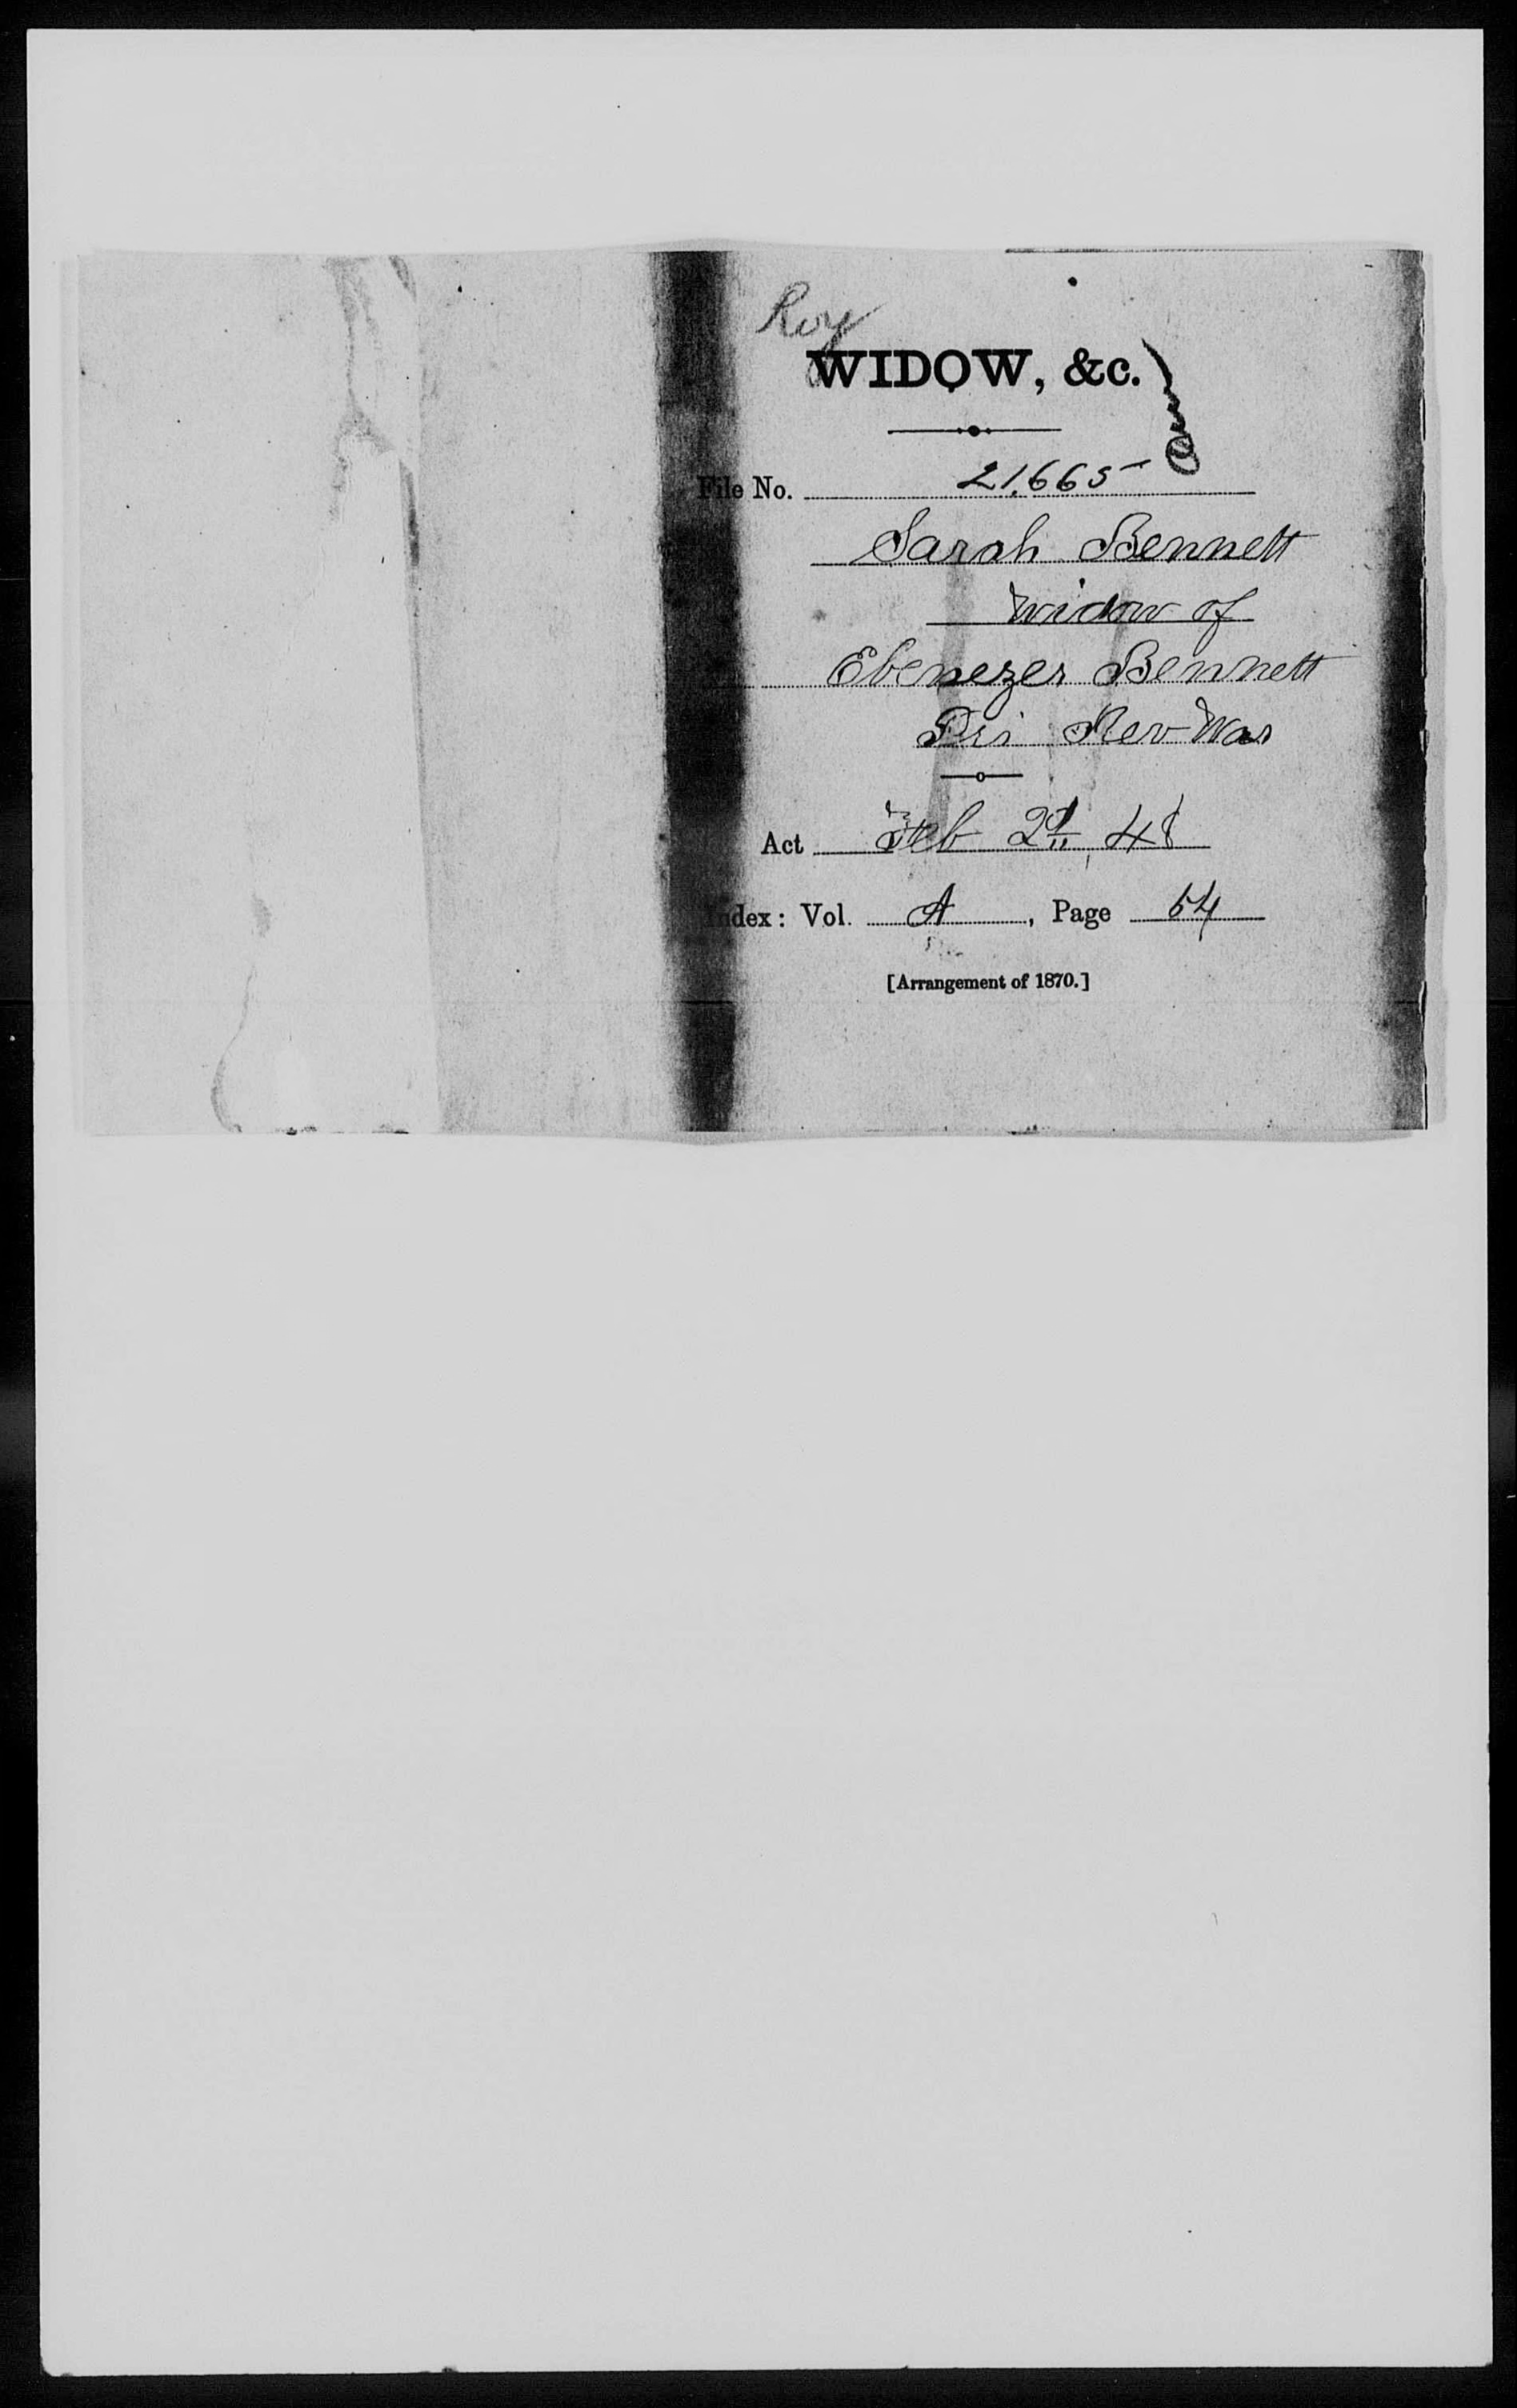Rvy
WIDOW, &c.
----
File No. 21.665
Sarah Bennett
widow of
Ebenezer Bennett
Pri Rev War
---
Act Feb 2d 48
Index:  Vol. A, Page 54
[Arrangement of 1870.]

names: Sarah Bennett, Ebenezer Bennett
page: 25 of 43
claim: widow's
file: W. 21665, Ebenezer Bennett, N. H. Privateer.